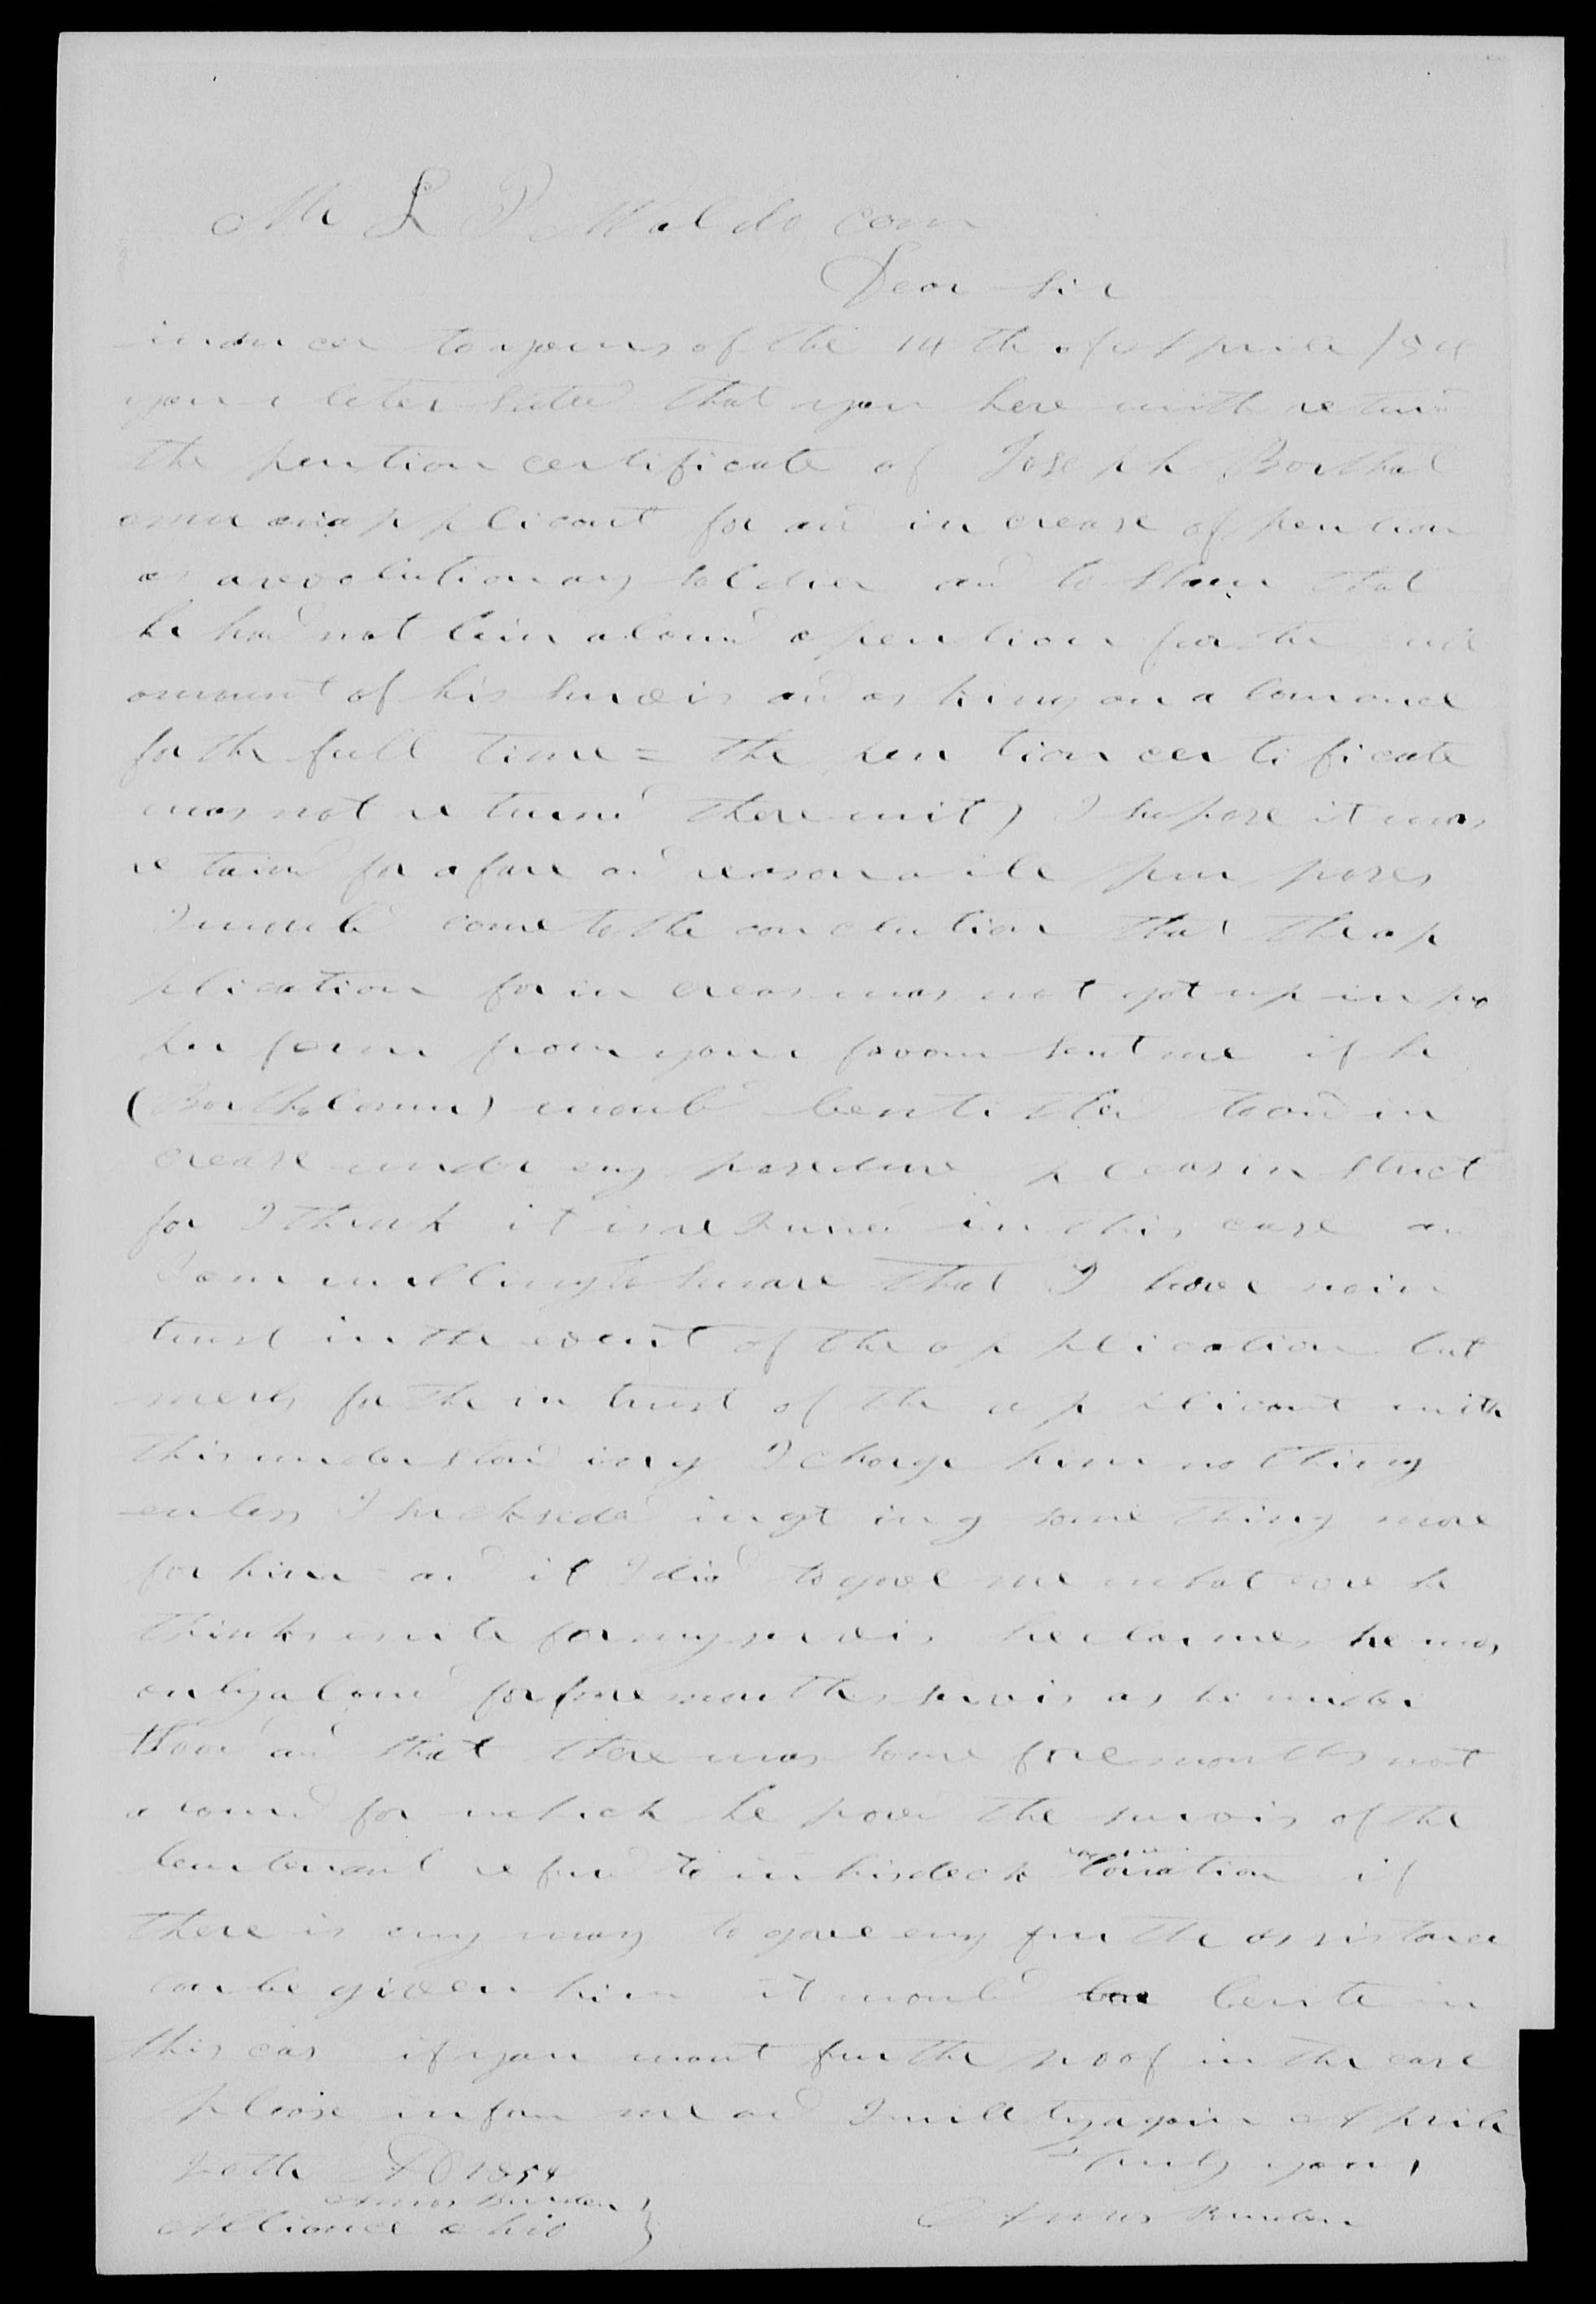Mr L P Waldo Com
Dear Sir
in response to yours of the 14th April '54
your letter stated that you herewith return
the pension certificate of Joseph Bartholomew
an applicant for an increase of pension
as a revolutionary soldier and to state that
he had not been allowed a pension for the full
amount of his service and as being on a comand
for the full time The pension certificate
was not returned therewith) I suppose it was
retained for a fair and reasonable purpose
I must come to the conclusion that the ap-
plication for an increase was not yet up approved
The form from your favour sent me if he
(Bartholomew) would certificate and in-
crease and say positive leasin St
for I think it instance in this case
I am  willing to hear that I have no
trust in the event of the application but
there, for the in trust of the applicant
with this understanding I charge him nothing
unless I succeed in getting some thing more
for him and if I don't  to give me entate
thinks it for my said decease, he
enly alone for five month, is as he
then and that there was some fore months not
cound for which he now the servis of the
Curtenanted to in his declaration of
there is my my to give any for the assistance
to be given him it would be sent
this as if you want further the proof in the case
please inform me and I will again this
20th 1854
Amos Burden
Alliance Ohio
truly yours
Amos Burden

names: Joth, Joseph Bartholomew, Crum, L P Waldo, Amos Burden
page: 59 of 76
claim: widow's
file: W. 9345, Joseph Bartholomew, Conn.